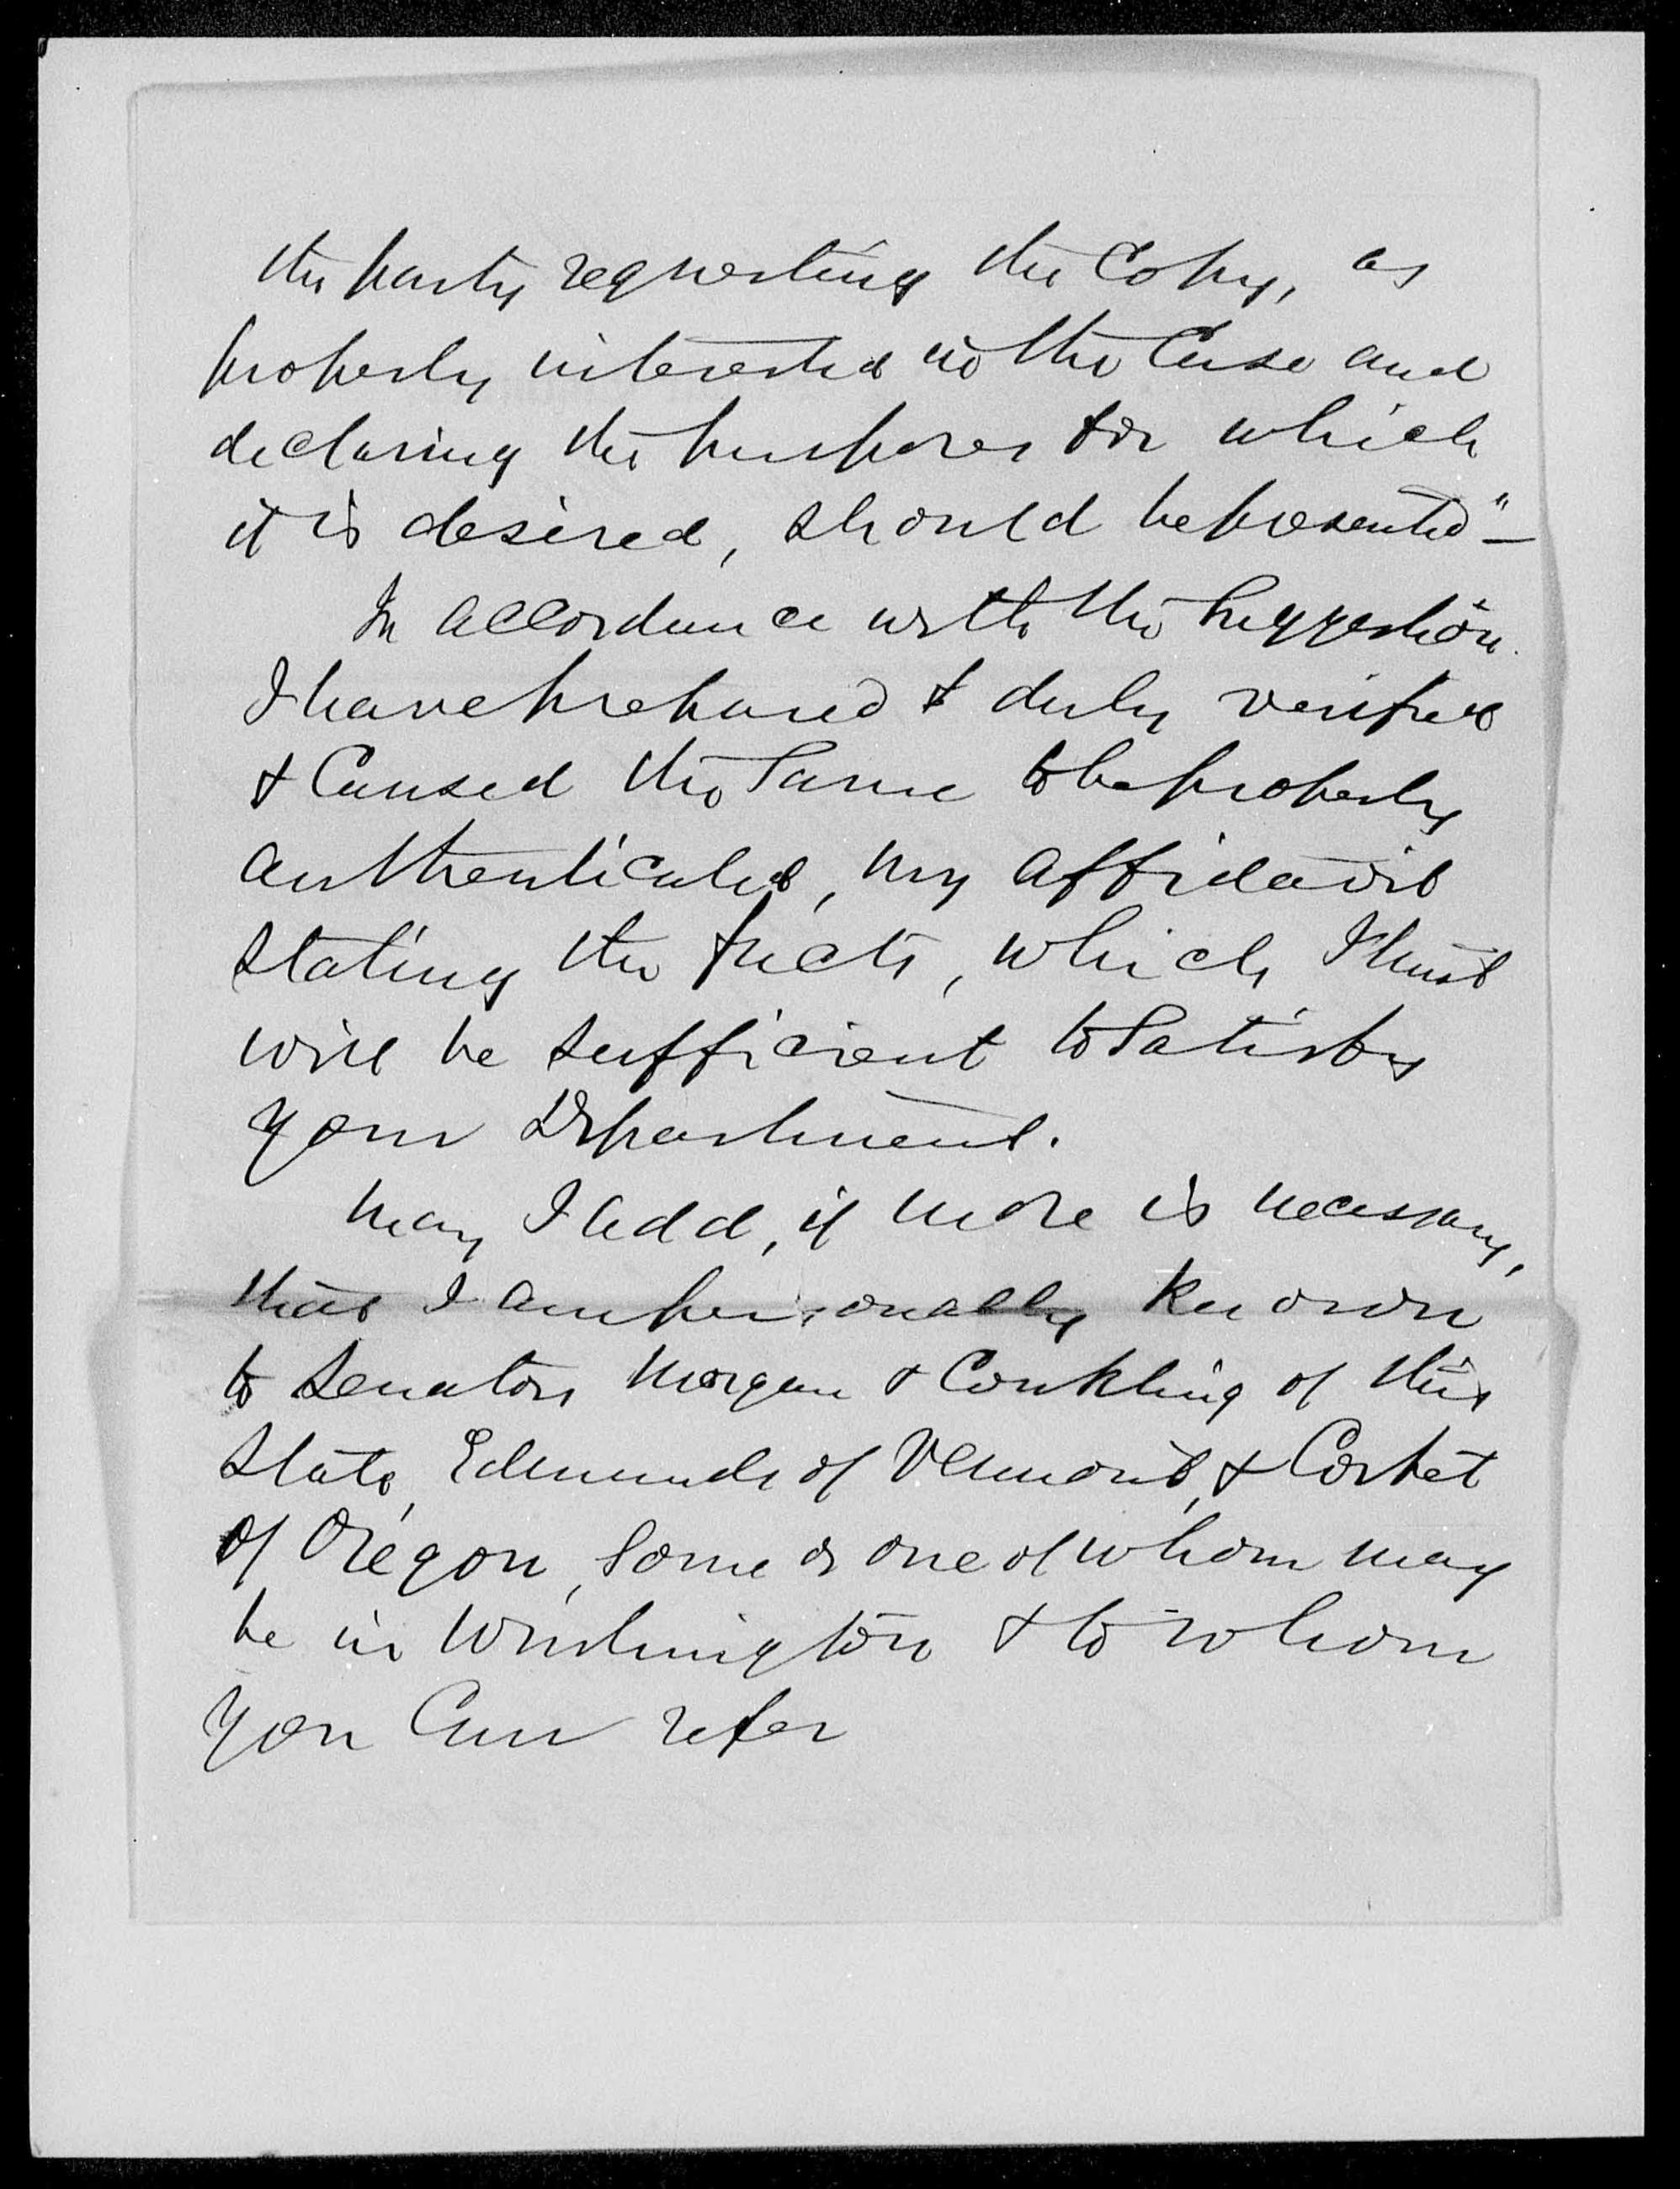the party requesting the copy, as properly interested in the case and declaring the purposes for which it is desired, should be presented"--

In accordance as to the [illegible] I have prepared & duly verified & caused the same to be properly authenticated, my affidavit stating the facts, which I trust will be sufficient to satisfy your Department.

May I add, if more is necessary, that I can[?] personally [illegible] to Senators Morgan & Conkling of this state, Edwards of Vermont, & Corbet of Oregon, some or one of whom may be in Washington & to whom you can refer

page: 25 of 32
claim: survivor's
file: S. 34899, John Gibson, R.I.